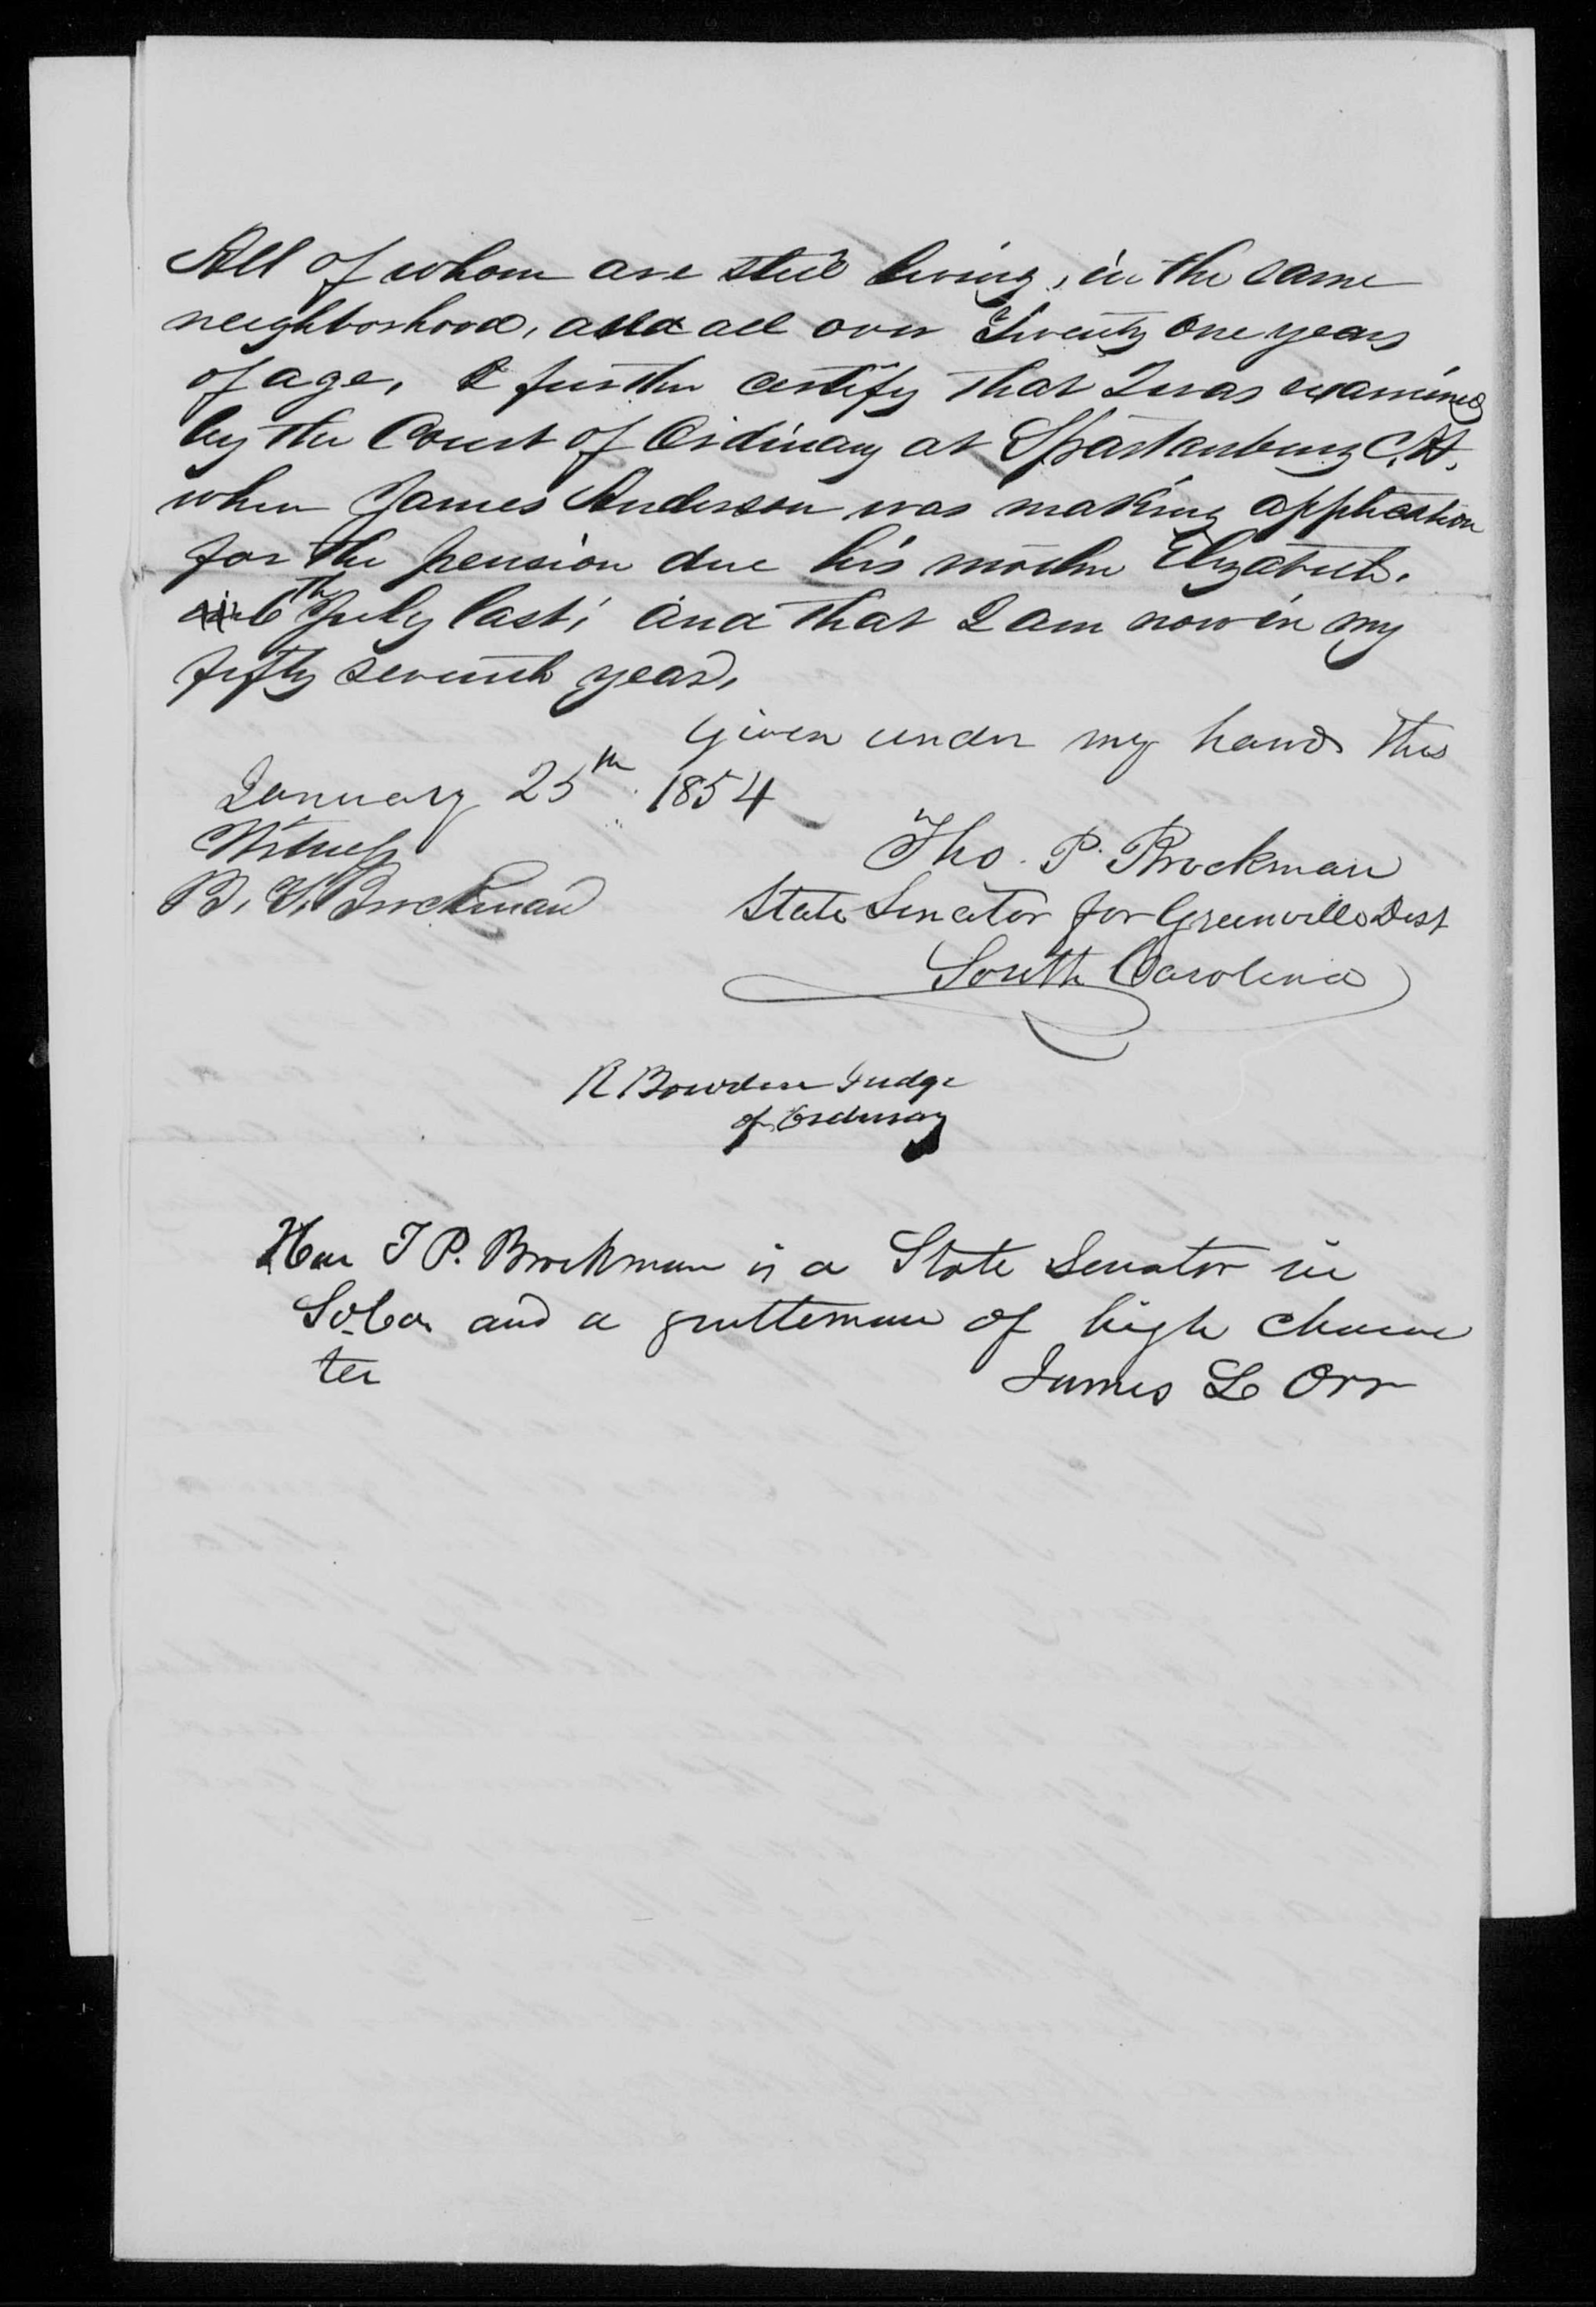All of whom are the living, in the same neighborhood, and all over Twenty one years of age, & further certify that I was examined by the Court of Ordinary at Spartanburg C.H. when James Anderson was making application for the pension due his mother Elizabeth, 6th July last, and that I am now in my fifty seventh year.
Given under my hand this January 25th 1854
Tho. P. Brockman
State Senator for Greenville Dist
South Carolina
Witness
B. W. Brockman

R Bowden Judge of Ordinary

Hon T P. Brockman is a state senator in So. Ca. and a gentleman of high character
James L Orr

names: T P Brockman, R Bowden, James Anderson, B S Brockman, James L Orr, Tho P Brockman, Elizabeth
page: 20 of 51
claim: widow's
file: W. 9700, Denney Anderson, S.C.